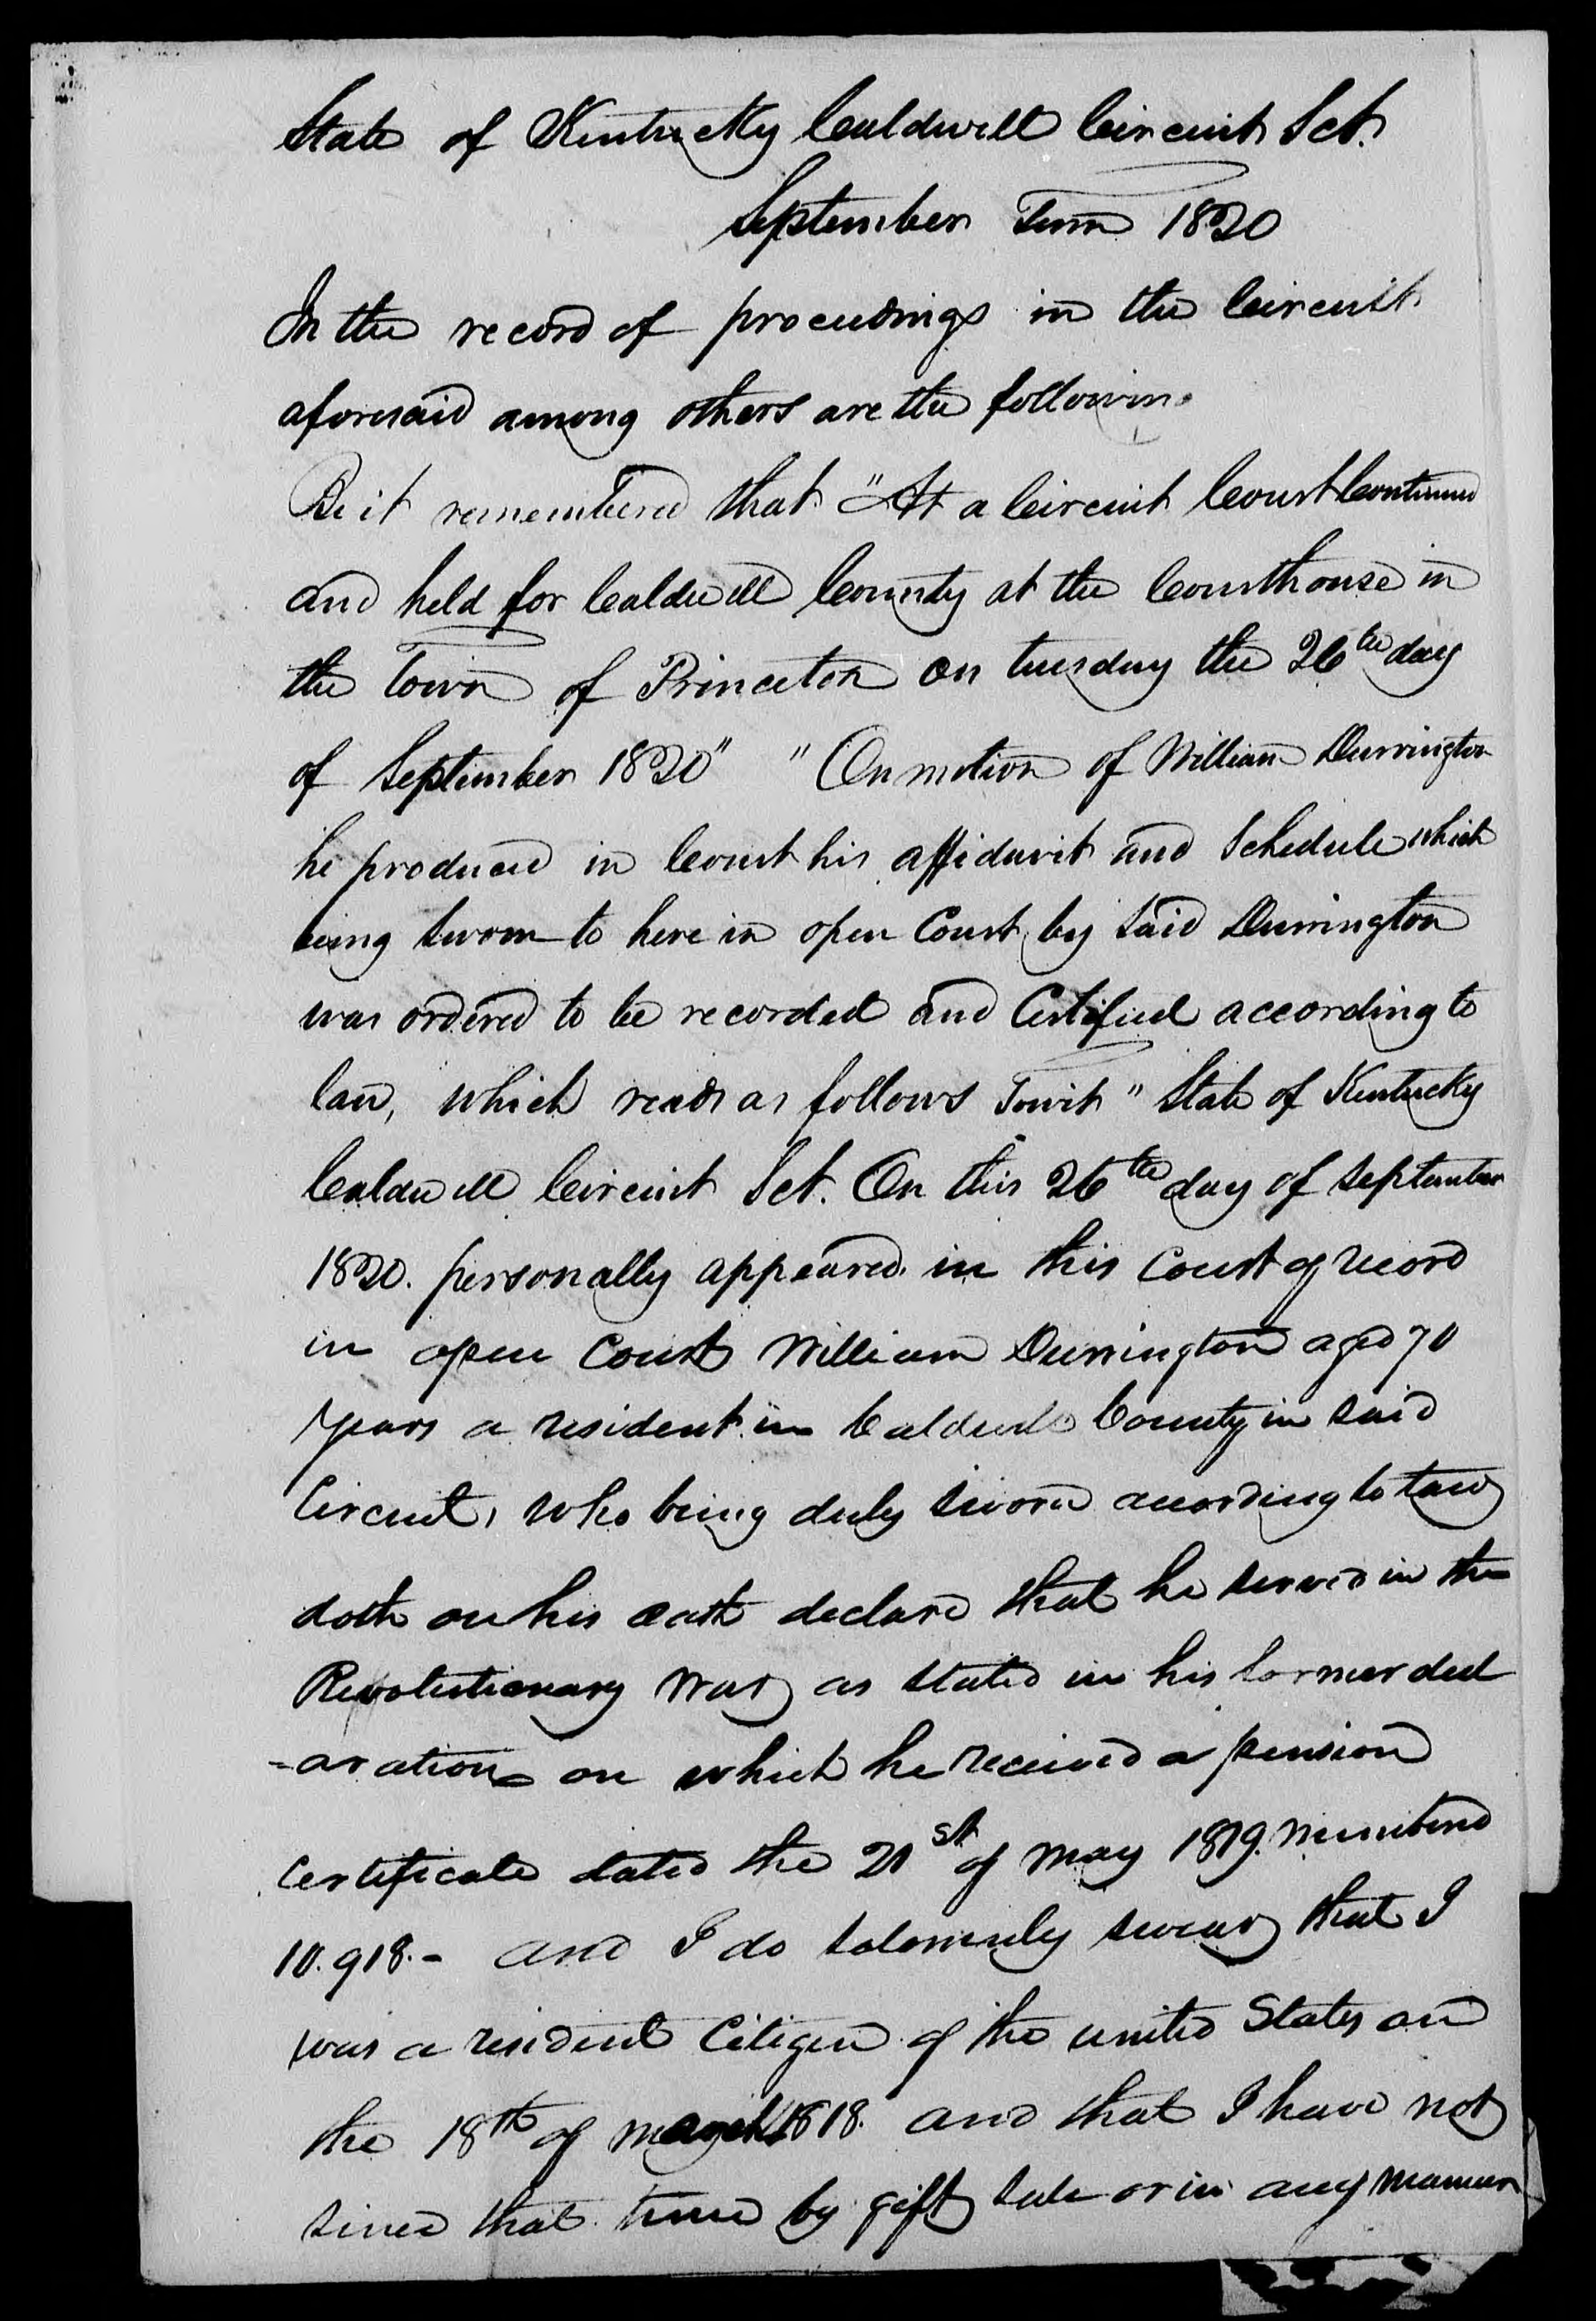State of Kentucky Caldwell Circuit Sct.
September term 1820

In the record of proceedings in the Circuit aforesaid among others are the following 
But remembered that “At a Circuit Court [illegible] and held for Caldwell County at the Courthouse in the town of Princeton on tuesday the 26th day of September 1820”   “On motion of William Durrington he produced in Court his affidavit and Schedule which being sworn to here in open Court by Said Durrington was ordered to be recorded and Certified according to law, which reads as follows towit “ State of Kentucky Caldwell Circuit Sct. On this 26th day of September 1820 personally appeared in this Court of record in open court William Durrington aged 70 years a resident in Caldwell County in said Circuit, who being duly sworn according to law doth on his oath declare that he served in the Revolutionary War as stated in his former declarations on which he received a pension certificate dated the 21st of May 1819 [illegible] 10.918. and I do solemnly swear that I was a resident citizen of the united States on the 18th of march 1818 and that I have not since that time by gift sale or in any manner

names: William Durrington, William Durrington, Durrington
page: 18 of 51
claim: widow's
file: W. 27,409, William Dunnington, Md.